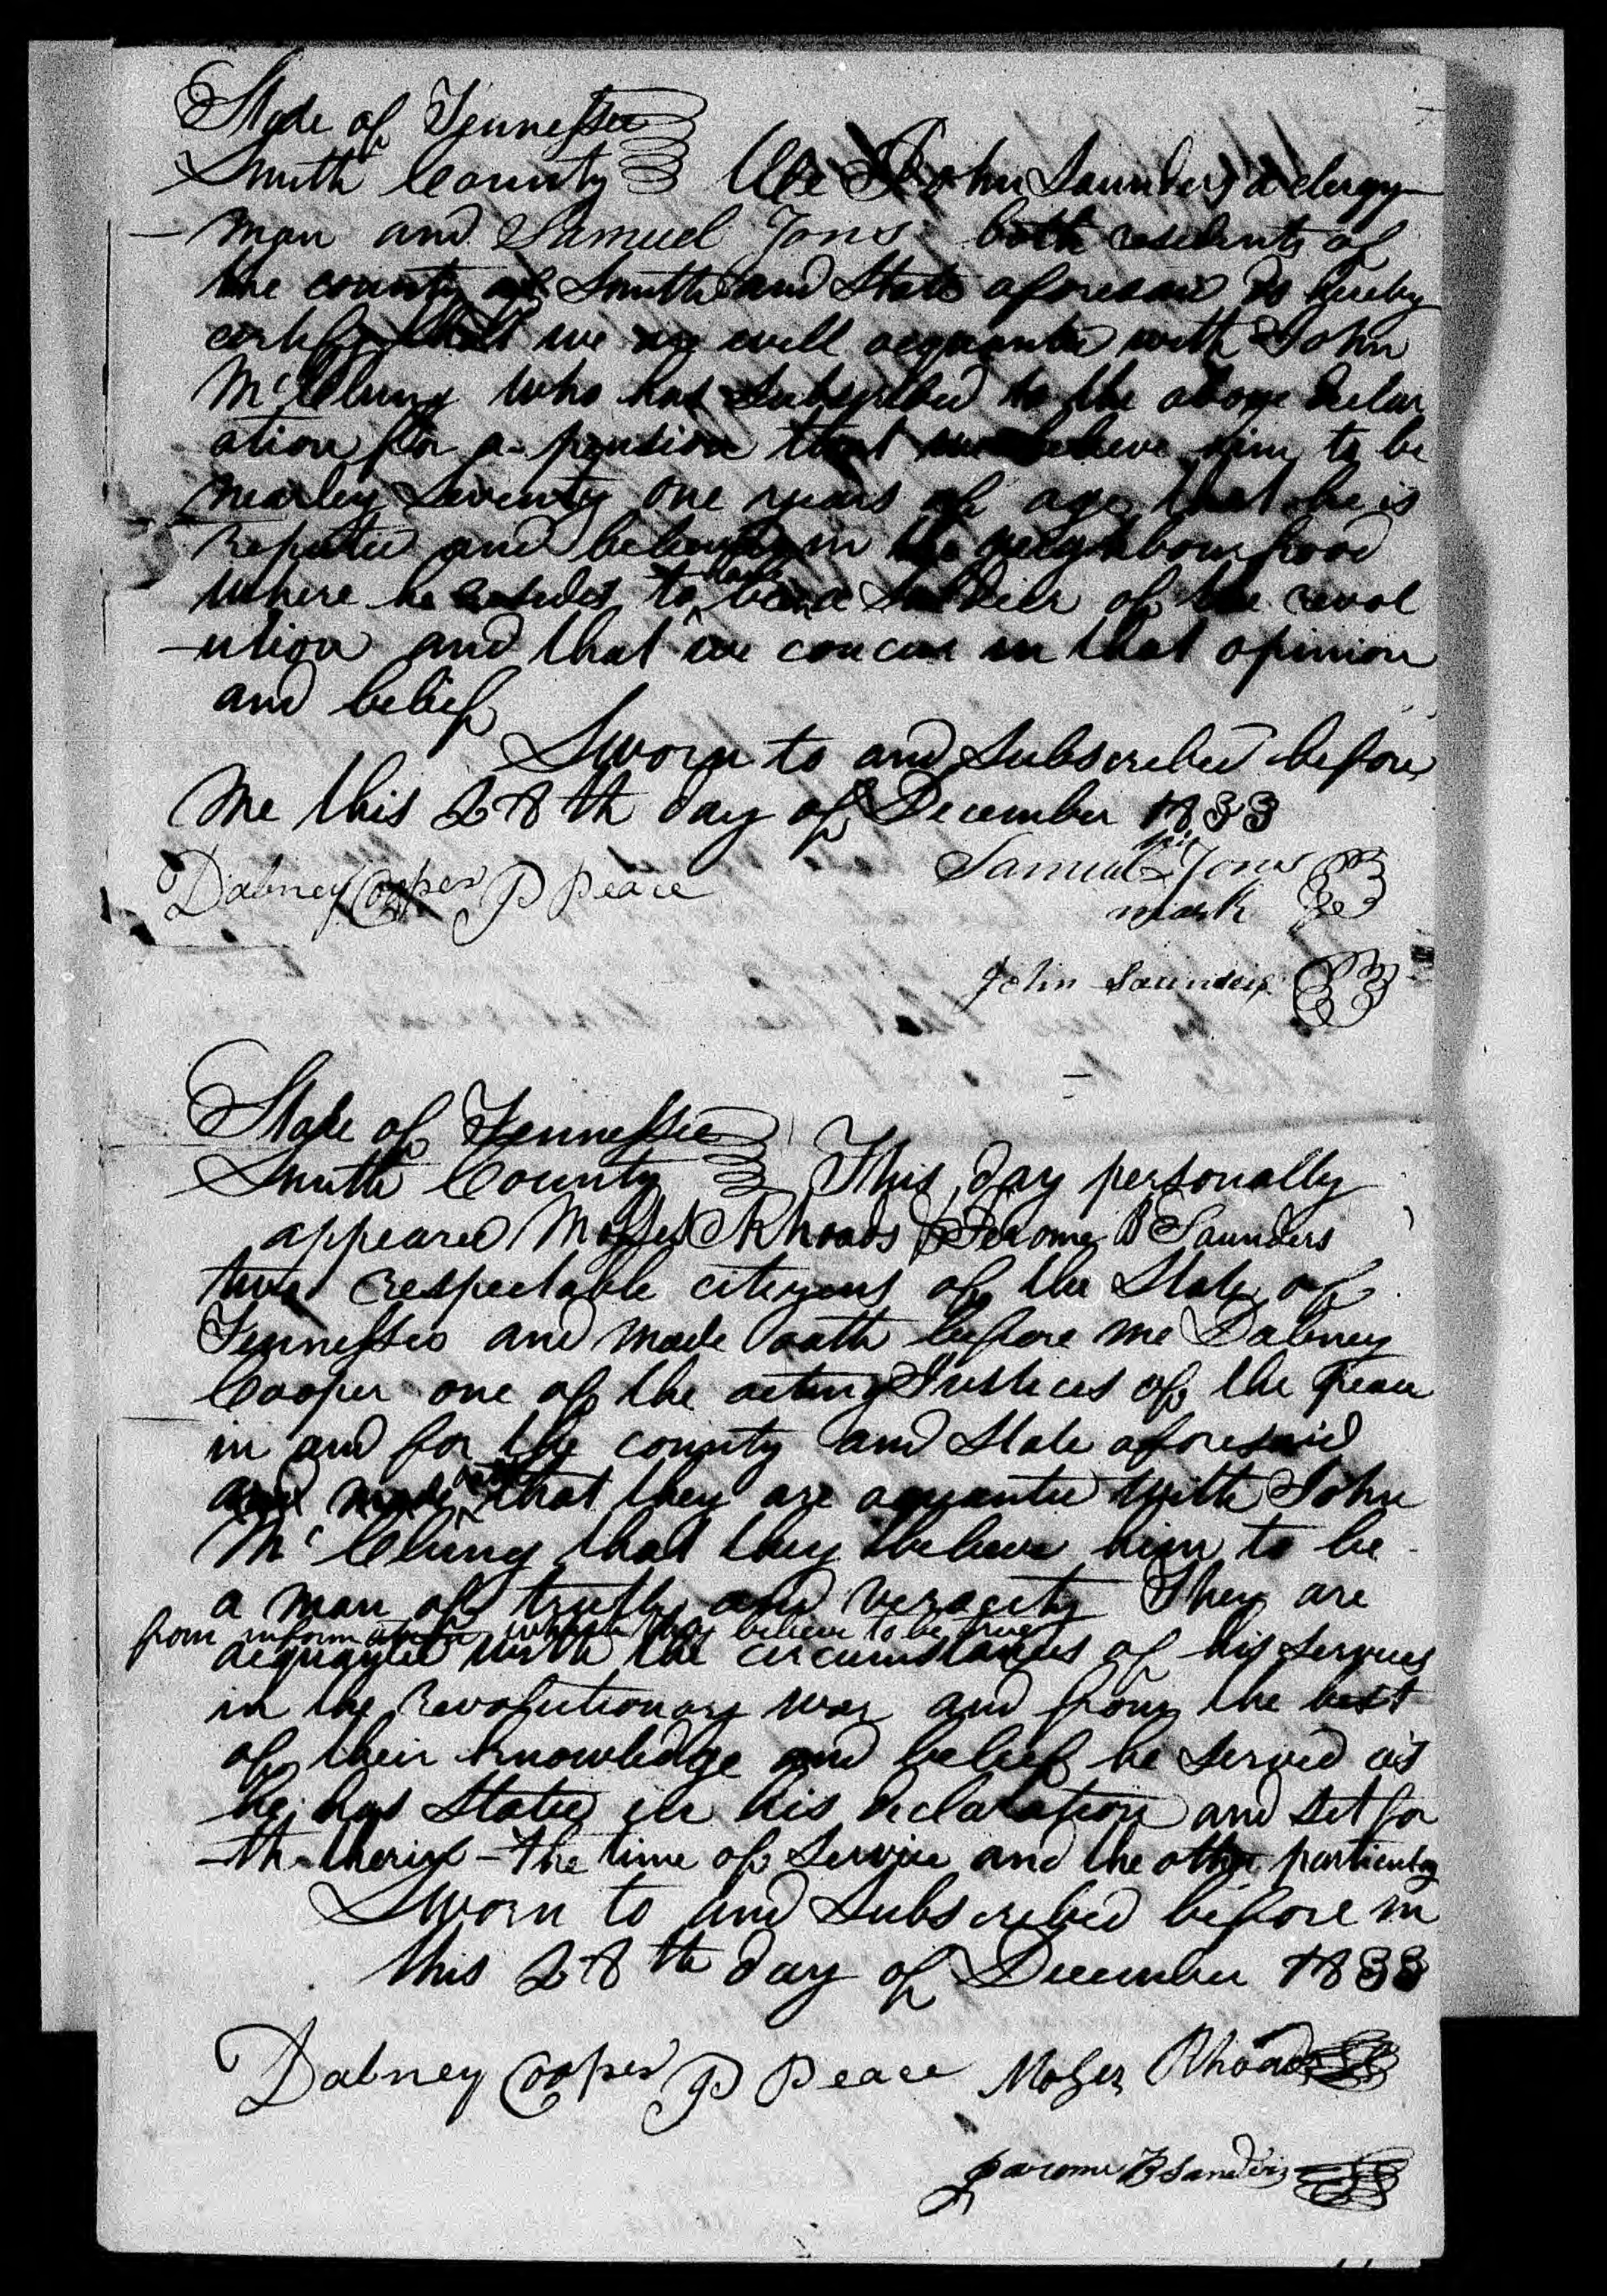State of Tennessee
Smith County 
I, John Saunders Clergyman and Samuel Jones both residents of the County of Smith and State aforesaid do hereby certify that we are well acquainted with John McClung who has submitted to the above application for a pension that we believe him to be nearly seventy one years of age that he is reputed and believed in the neighbourhood where he lives to have been a soldier of the Revolution and that we concur in that opinion and belief
[signed] Samuel X Jones his mark
John Saunders
Sworn to and subscribed before me this 28th day of December 1833
Dabney Cooper J Peace

State of Tennessee
Smith County
This day personally appeared Moses Rhoads & Jerome B Saunders two respectable citizens of the State of Tennessee and made oath before me Dabney Cooper one of the acting Justices of the Peace in and for the County and State aforesaid, that they are acquainted with John McClung that they believe him to be a man of veracity They are from information which they believe to be true acquainted with his services in the Revolutionary war and from the best of their knowledge and believe he served as as stated in his declaration and set forth therein - the time of service and the time of service and other particulars
[signed] Moses Rhoads
Jerome Saunders
Sworn to and Subscribed before me this 28th day of December 1833
Dabney Cooper J Peace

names: Mosses Rhoads; John Mc Clung; Dabney Cooper; John Saunders; Samuel Jons; Jerome B Saunders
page: 43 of 115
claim: widow's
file: W. 1446, for John Mc Clung, South Carolina